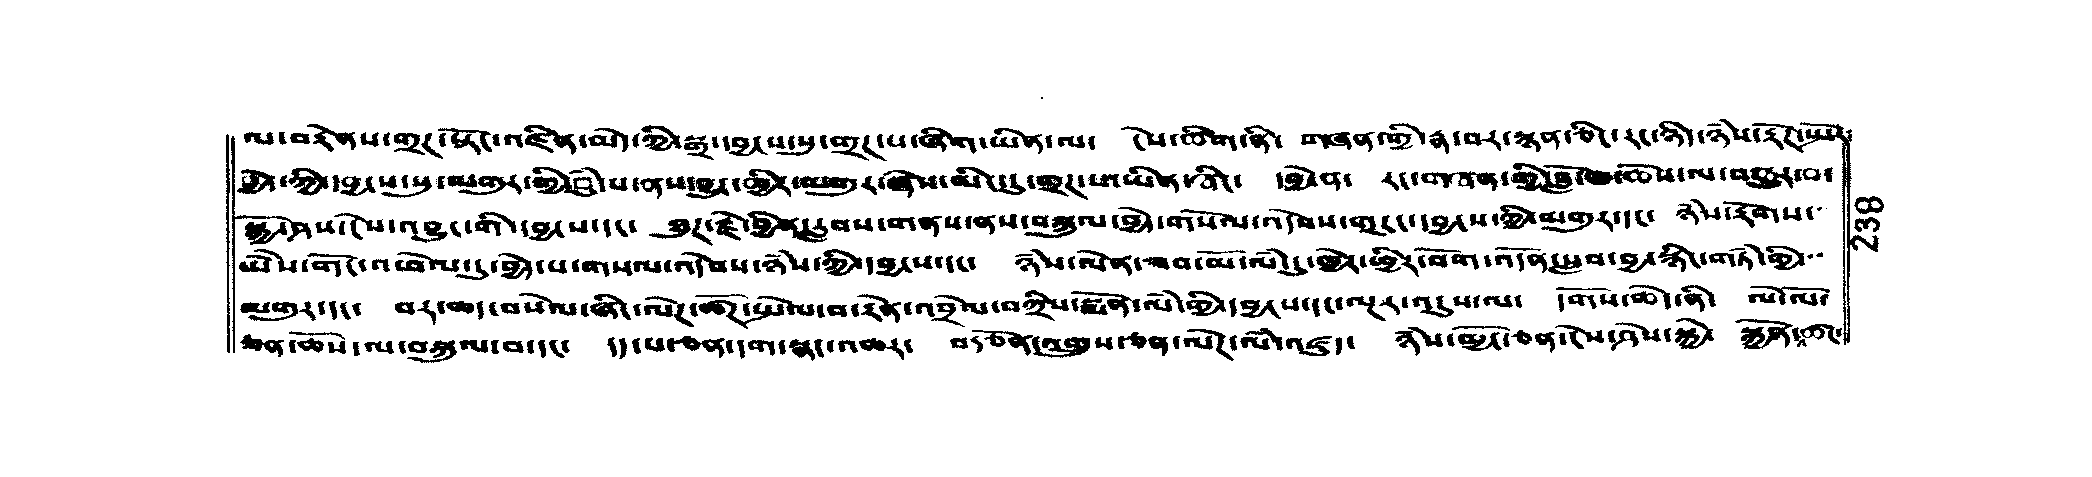ལ་བརྟེན་ནས་གྲགས་སྟོང་འཛིན་མེད་ཀྱི་སྒྲ་དབྱངས་སུ་གྲགས་པ་ཞིག་ཡིན་ལ། ངེས་ཚིག་ནི། གཞན་གྱི་རྣ་བར་སྙན་ཅིང་རང་ཉིད་ཉམས་རྟོགས་སྤོར་
བྱེད་ཀྱི་དབྱངས་སུ་མགུར་གྱི་བུམ་པ་ནས་བྱུང་ཕྱིར་མགུར་ཞེས་མིང་དུ་གྲགས་པ་ཡིན་ཞིང་། དབྱེ་ན། རང་གཞན་གྱི་བློ་ཁ་ཆོས་ལ་བསྒྱུར་བ་
སྐྱོ་ཤས་ངེས་འབྱུང་གི་དབྱངས་དང་། ཐུགས་རྗེ་བྱིན་རླབས་གནད་ནས་བསྐུལ་བྱེད་གསོལ་འདེབས་གདུང་དབྱངས་ཀྱི་མགུར་དང་། ཉམས་རྟོགས་
ཡེ་ཤེས་གོང་འཕེལ་དུ་བྱེད་པ་གསལ་འདེབས་ཉམས་ཀྱི་དབྱངས་དང་།ཉམས་ལེན་ཟབ་མོ་ལམ་དུ་ཁྱེར་ཕྱིར་བོགས་འདོན་སླབ་བྱ་སྙིང་གཏམ་གྱི་
མགུར་དང་། བར་ཆད་སེལ་ཞིང་ལེགས་ཚོགས་སྤེལ་བ་རྟེན་འབྲེལ་བཀྲ་ཤིས་སྨོན་ལམ་གྱི་དབྱངས་དང་ལྔར་འདུས་ལ། དགོས་ཆེད་ནི། ལེ་ལོ་
ཅན་ཆོས་ལ་བསྐུལ་བ་དང་། དད་པ་ཅན་དག་སྣང་འཆར། བརྩོན་འགྲུས་ཅན་ལེགས་ལམ་འཛུད། ཉམས་མྱོང་ཅན་ངེས་ཤེས་སྐྱེ། སྐྱོན་མཚང་